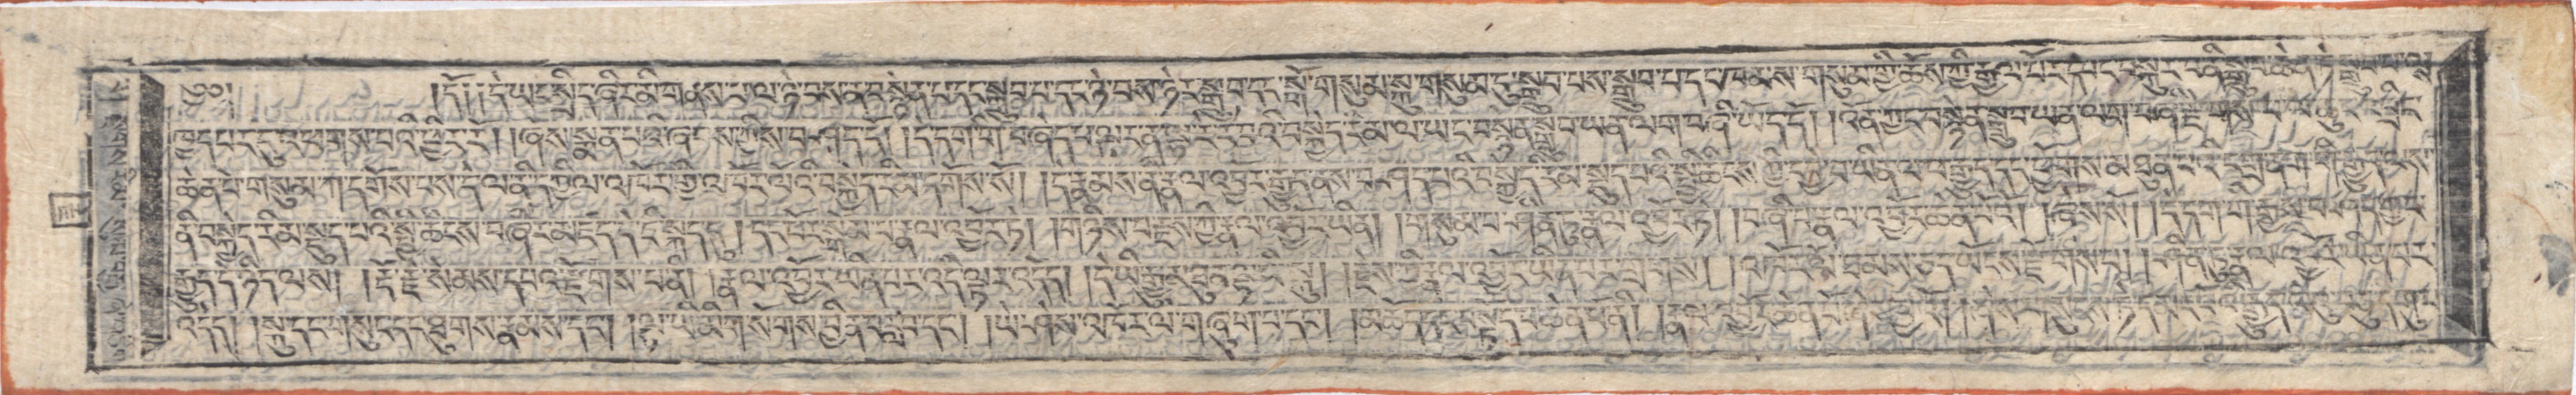༄༅། །དོ༑ ༑དེ་ཡང་སྲིད་ཞིར་མི་གནས་པ་ལ་ཉེ་བས་ན་བསྙེན་པ་དང་སྒྲུབ་པ་དང་ཉེ་བས་ཉེར་སྒྲུབ་དང་སྒོ་གསུམ་སྐུ་གསུམ་དུ་སྒྲུབ་པས་སྒྲུབ་པ་དང་ཁམས་གསུམ་གྱི་ཆོས་ཀྱི་རྒྱལ་པོར་དབང་བསྐུར་བ་ནི་སྒྲུབ་ཆེན་ཏེ་སྒྲུབ་པ་ལས་
ཁྱད་པར་དུ་འཕགས་པའི་ཕྱིར་རོ། །ཞེས་སྨན་པའི་ཞབས་ཀྱིས་བཤད་དོ། །དེ་དག་གི་བཞེད་པ་ལྟར་ན་ལྷ་རེ་རེ་བའི་བསྐྱེད་རིམ་ལ་ཡང་བསྙེན་སྒྲུབ་ཡན་ལག་བཞི་ཡོད་དོ། །འོན་ཀྱང་བསྙེན་སྒྲུབ་ཡན་ལག་བཞི་རྫོགས་པ་ལ་ཆུང་འབྲིང་
ཆེན་པོ་གསུམ་ཀ་དགོས་པས་དེ་ལ་ནི་དཀྱིལ་འཁོར་གྱི་འཁོར་ལོའི་བསྐྱེད་རིམ་དགོས་སོ། །དེ་རྣམས་ནི་རྣལ་འབྱོར་རྒྱུད་ནས་བཤད་པའི་བསྐྱེད་རིམ་སྡུད་པའི་སྤྱི་ཆིངས་ཀྱི་དབྱེ་བ་ཡིན་ལ་ཕ་རྒྱུད་དང་ཕྱོགས་མཐུན་པའི་དགྲ་ནག་གི་རྒྱུད་ལས་
ནི་བསྐྱེད་རིམ་སྡུད་པའི་སྤྱི་ཆིངས་བཞིར་མཛད་དེ་ཇི་སྐད་དུ། དང་པོར་སྒོམ་པ་རྣལ་འབྱོར་ཏེ། །གཉིས་པ་རྗེས་ཀྱི་རྣལ་འབྱོར་ཡིན། །གསུམ་པ་ཤིན་ཏུ་རྣལ་འབྱོར་ཏེ། །བཞི་པ་རྣལ་འབྱོར་ཆེན་པོའོ། །ཞེས་སོ། །དེ་དག་གི་རྒྱས་བཤད་ཀྱང་
རྒྱུད་དེ་ཉིད་ལས། །རྡོ་རྗེ་སེམས་དཔའ་རྫོགས་པ་ནི། །རྣལ་འབྱོར་ཡིན་པར་འདི་ལྟར་འདོད། །དེ་ཡི་རྒྱུ་མཐུན་ལྷ་ཡི་སྐུ། །རྗེས་ཀྱི་རྣལ་འབྱོར་ཡིན་པར་གྲགས། །འཁོར་ལོ་ཐམས་ཅད་ཡོངས་རྫོགས་པ། །ཤིན་ཏུ་རྣལ་འབྱོར་ཡིན་པར་
འདོད། །སྐུ་དང་གསུང་དང་ཐུགས་རྣམས་དང་། །ལྷ་ཡི་མིག་སོགས་བྱིན་བརླབ་དང་། །ཡེ་ཤེས་འཁོར་ལོ་གཞུག་པ་དང་། །མཆོད་དང་བསྟོད་པ་ཆེན་པོ་ནི། །རྣལ་འབྱོར་ཆེན་པོ་ཞེས་བྱའོ། །ཞེས་གསུངས་ཏེ་དམར་པོའི་རྒྱུད་ལེའུ་བཅུ་དགུ་པ་